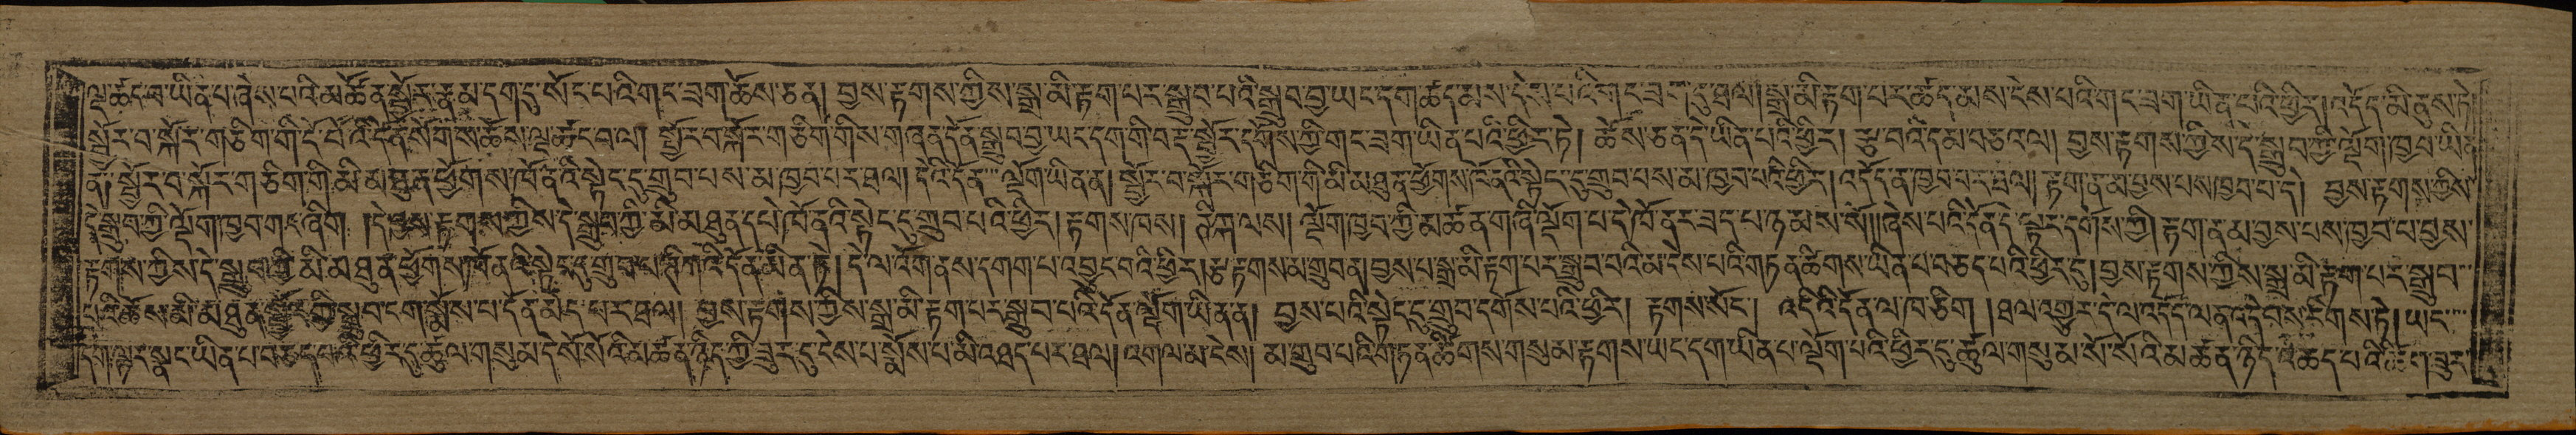ལྔ་ཚད་བ་ཡིན་པ་ཞེས་པའི་མཚོན་སྦྱོར་རྣམ་དག་དུ་སོང་པའི་གང་ཟག་ཆོས་ཅན། བྱས་རྟགས་ཀྱིས་སྒྲ་མི་རྟག་པར་སྒྲུབ་པའི་སྒྲུབ་བྱ་ཡང་དག་ཚད་མས་ངེས་པའི་གང་ཟག་དུ་ཐལ། སྒྲ་མི་རྟག་པར་ཚད་མས་ངེས་པའི་གང་ཟག་ཡིན་པའི་ཕྱིར། འདོད་མི་ནུས་ཏེ།
སྦྱོར་བ་སྐོར་གཅིག་གི་ངོ་བོའི་དོན་སོགས་ཆོས་ལྔ་ཚང་བ་ལ། སྦྱོར་བ་སྐོར་གཅིག་གིས་གཞན་དོན་སྒྲུབ་བྱ་ཡང་དག་གི་བརྡ་སྦྱོར་དགོས་ཀྱི་གང་ཟག་ཡིན་པའི་ཕྱིར་ཏེ། ཆོས་ཅན་དེ་ཡིན་པའི་ཕྱིར། རྩ་བའི་དམ་བཅའ་ལ། བྱས་རྟགས་ཀྱིས་དེ་སྒྲུབ་ཀྱི་ལྡོག་ཁྱབ་ཡིན་
ན༑ སྦྱོར་བ་སྐོར་གཅིག་གི་མི་མཐུན་ཕྱོགས་ཁོ་ནའི་སྟེང་དུ་གྲུབ་པས་མ་ཁྱབ་པར་ཐལ། དེའི་དོན་ལྡོག་ཡིན་ན། སྦྱོར་བ་སྐོར་གཅིག་གི་མི་མཐུན་ཕྱོགས་ཁོ་ནའི་སྟེང་དུ་གྲུབ་པས་མ་ཁྱབ་པའི་ཕྱིར། འདོད་ན་ཁྱབ་པར་ཐལ། རྟག་ན་མ་བྱས་པས་ཁྱབ་པ་དེ། བྱས་རྟགས་ཀྱིས་
དེ་སྒྲུབ་ཀྱི་ལྡོག་ཁྱབ་གང་ཞིག །དེ་བྱས་རྟགས་ཀྱིས་དེ་སྒྲུབ་ཀྱི་མི་མཐུན་དཔེ་ཁོ་ནའི་སྟེང་དུ་གྲུབ་པའི་ཕྱིར། རྟགས་ཁས། ཊིཀྐ་ལས། ལྡོག་ཁྱབ་ཀྱི་མཚན་གཞི་ལྡོག་པ་དེ་ཁོ་ནར་ཟད་པ་ཉམས་སོ། །ཞེས་པའི་དོན་དེ་ལྟར་དགོས་ཀྱི། རྟག་ན་མ་བྱས་པས་ཁྱབ་པ་བྱས་
རྟགས་ཀྱིས་དེ་སྒྲུབ་ཀྱི་མི་མཐུན་ཕྱོགས་ཁོ་ནའི་སྟེང་དུ་གྲུབ་པ་ཊི་ཀའི་དོན་མིན་ཏེ། དེ་ལ་འོག་ནས་དགག་པ་འབྱུང་བའི་ཕྱིར། རྩ་རྟགས་མ་གྲུབ་ན། བྱས་པ་སྒྲ་མི་རྟག་པར་སྒྲུབ་པའི་མ་ངེས་པའི་གཏན་ཚིགས་ཡིན་པ་བཅད་པའི་ཕྱིར་དུ། བྱས་རྟགས་ཀྱིས་སྒྲ་མི་རྟག་པར་སྒྲུབ་
པའི་ཆོས་མི་མཐུན་སྦྱོར་གྱི་སྒྲུབ་ངག་སྨོས་པ་དོན་མེད་པར་ཐལ། བྱས་རྟགས་ཀྱིས་སྒྲ་མི་རྟག་པར་སྒྲུབ་པའི་དོན་ལྡོག་ཡིན་ན། བྱས་པའི་སྟེང་དུ་གྲུབ་དགོས་པའི་ཕྱིར། རྟགས་སོང་། འདིའི་དོན་ལ་ཁ་ཅིག །ཐལ་འགྱུར་དེ་ལ་འདོད་ལན་འདེབས་རིགས་ཏེ། ཡང་
དག་ལྟར་སྣང་ཡིན་པ་བཅད་པའི་ཕྱིར་དུ་ཚུལ་གསུམ་དེ་སོ་སོའི་མཚན་ཉིད་ཀྱི་ཟུར་དུ་ངེས་པ་སྨོས་པ་མི་འཐད་པར་ཐལ། འགལ་མ་ངེས། མ་གྲུབ་པའི་གཏན་ཚིགས་གསུམ་རྟགས་ཡང་དག་ཡིན་པ་ལྡོག་པའི་ཕྱིར་དུ་ཚུལ་གསུམ་སོ་སོའི་མཚན་ཉིད་འཆད་པའི་ཚིག་ཟུར་